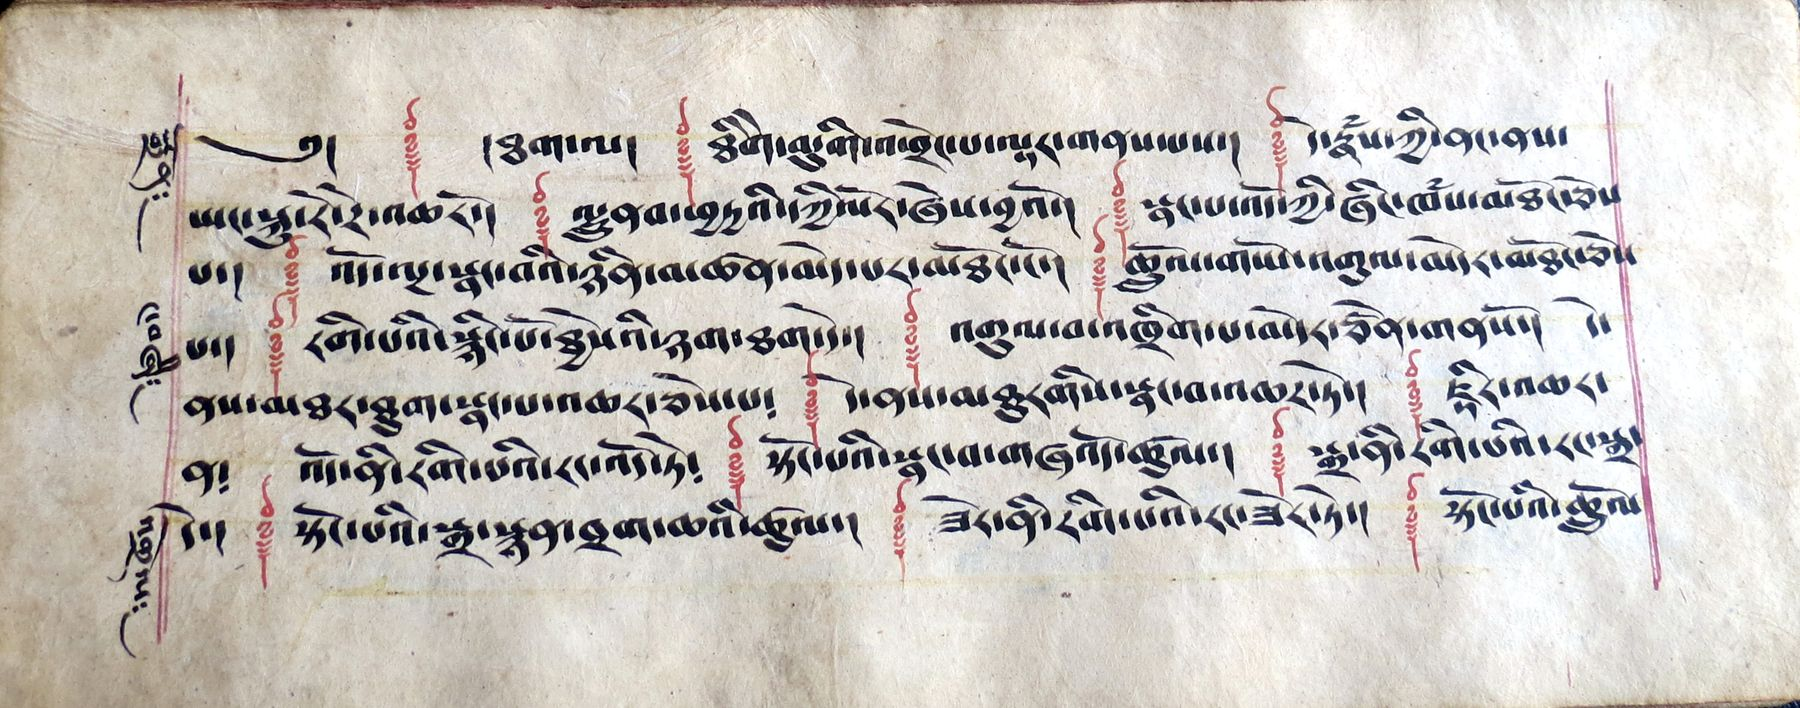ཐག་ལས། ཐིག་ལེ་མུ་ཏིག་གི་འཕྲེང་བ་ལྟར་གནས་པ། དེ་རྣམས་ཀྱི་ནང་ནས་
ཡང་སྐུ་རེ་རེར་འཆར་རོ། །ལྷུན་གྲུབ་ཕྱག་རྒྱའི་དཀྱིལ་འཁོར་ཞེས་བྱའོ། །སྣང་བ་འོད་ཀྱི་ཞིང་ཁམས་མཐོང་། །ཞེས་
པས། འོད་ལྔ་སྣང་བ་ཉིན་མཚན་མེད་པར་མཐོང་ངོ་། །ཆོ་འཕྲུལ་གཡོ་འགུལ་མེད་པར་མཐོང་། །ཞེས་
པ ། རིག་པའི་སྙིང་པོ་ཐུགས་རྗེའི་ཉག་ཐག་དེ། འགུལ་བ་དང་འཁྲིག་པ་མེད་པར་ཙེན་ནེར་གནས་སོ། །དེ་
ནས་མཐར་ཐུག་སྣང་བ་འཆར། །ཞེས་པས། དེ་ནས་མཐར་ཐུག་གི་སྣང་བ་འཆར་ཏེ། ཇི་ལྟར་འཆར་
ན། འོད་ནི་རིག་པའི་རང་འོད་དེ། སྟོང་པའི་སྣང་བ་གཞའ་འོད་ཚུལ། སྒྲ་ནི་རིག་པའི་རང་སྒྲ་
སྟེ། སྟོང་པའི་སྒྲ་བརྙན་བྲག་ཆའི་ཚུལ། ཟེར་ནི་རིག་པའི་རང་ཟེར་ཏེ། སྟོང་པའི་ཆོ་འཕྲུལ་